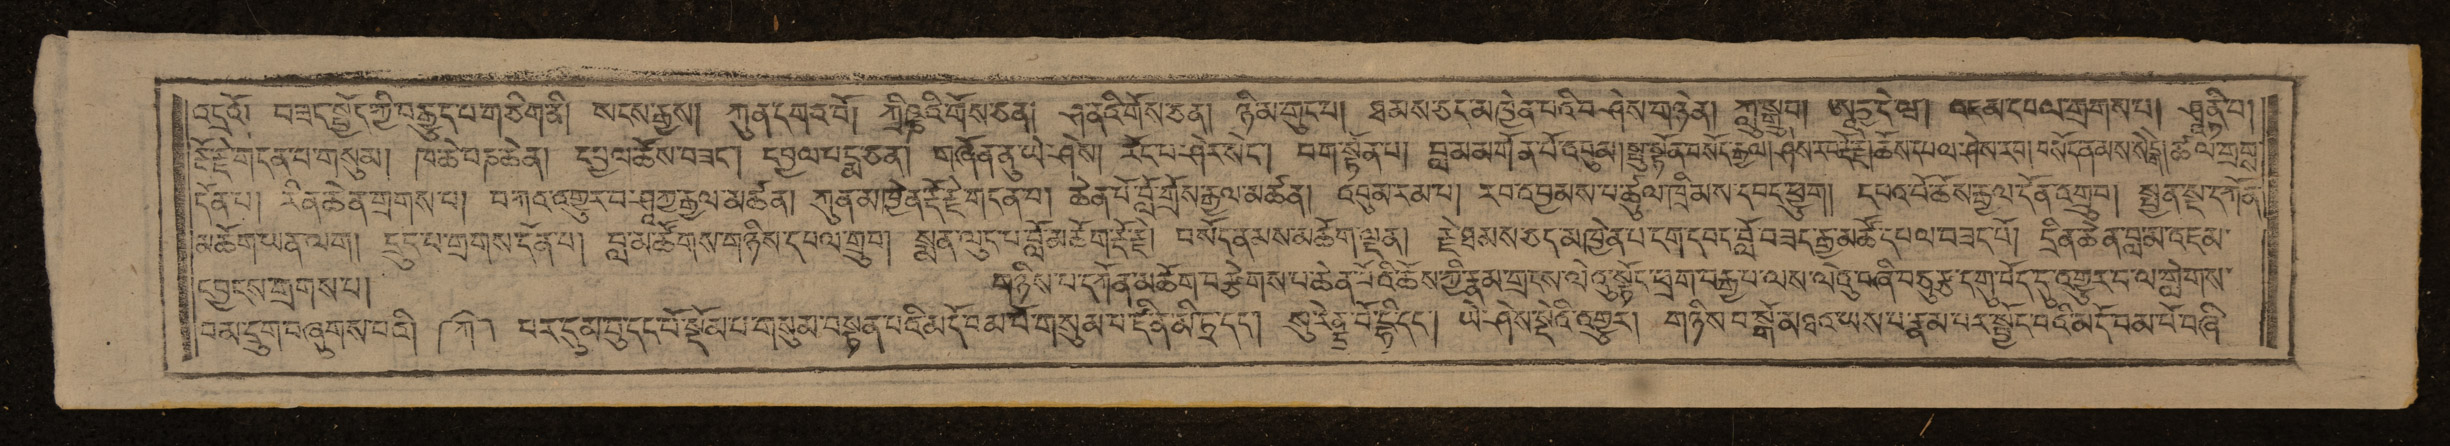འདྲའོ། བཟད་སྦྱོད་ཀྱི་བརྒྱུད་པ་གཅིག་ནི། སངས་རྒྱས། ཀུན་དགའ་བོ། ཀྲིཥྞའི་གོས་ཅན། ཤ་ནའི་གོས་ཅན། ཉི་མ་གུང་པ། ཐམས་ཅད་མཁྱེན་པའི་བཤེས་གཉེན། ཀླུ་སྒྲུབ། ཨཱརྱ་དེ་ཝ། འཇམ་དཔལ་གྲགས་པ། ཤཱནྟི་པ།
རྡོ་རྗེ་གདན་པ་གསུམ། ཁ་ཆེ་པཎ་ཆེན། དཔྱལ་ཆོས་བཟང་། དཔྱལ་པདམ་ཅན། གཞོན་ནུ་ཡེ་ཤེས། རོང་པ་ཤེར་སེང་། བག་སྟོན་པ། བླ་མ་མགོན་པོ་འབུམ། སྤུ་སྟོན་བསོད་རྒྱལ། ཤེས་རབ་བརྡོ་རྗེ། ཆོས་དཔལ་ཤེས་རབ། བསོད་ནམས་སེངྒེ། ཚལ་གྲགས་
དོན་པ། རིན་ཆེན་གྲགས་པ། བཀའ་འགྱུར་བ་ཤཱཀྱ་རྒྱལ་མཚན། ཀུན་མཁྱེན་རྡོ་རྗེ་གདན་བ། ཆེན་བོ་བློ་གྲོས་རྒྱལ་མཚན། འབུམ་རམ་པ། རབ་འབྱམས་པ་ཚུལ་ཁྲིམས་དབང་ཕྱུག། དབང་བོ་ཆོས་རྒྱལ་དོན་འགྲུབ། སྤྱན་སྔ་དཀོན་
མཆོག་ཡན་ལག། དྲུང་པ་གྲགས་དོན་པ། བླ་མཚོགས་གཉིས་དཔལ་གྲུབ། སྨན་ལུང་པ་བློ་མཆོག་རྡོ་རྗེ། བསོད་ནམས་མཆོག་ལྡན། རྗེ་ཐམས་ཅད་མཁྱེན་པ་ངག་དབང་བློ་བཟང་རྒྱ་མཚོ་དཔལ་བཟང་པོ། དྲིན་ཆེན་བླ་མ་འཇམ་
དབྱངས་གྲགས་པ། གཉིས་པ་དཀོན་མཆོག་བརྩེགས་པ་ཆེན་པོའི་ཆོས་ཀྱི་རྣམ་གྲངས་ལེའུ་སྟོང་ཕྲག་བརྒྱ་པ་ལས་ལེའུ་བཞི་བཅུ་རྩ་དགུ་ཡོད་དུ་འགྱུར་བ་ལ་གླེགས་
བམ་དྲུག་བཞུགས་པའི། {ཀ}་བར་དུ་མ་བྱ་དང་བོ་སྡོམ་པ་གསུམ་བསྟན་པའི་མདོ་བམ་བོ་གསུམ་བ་ཛིན་མི་ཏྲ་དང་། སུ་རེནྡྲ་བོདྷི་དང་། ཡེ་ཤེས་སྡེའི་འགྱུར། གཉིས་པ་སྟོ་མཐའ་ཡས་པ་རྣམ་པར་སྦྱོར་བའི་མདོ་བམ་པོ་བཞི་